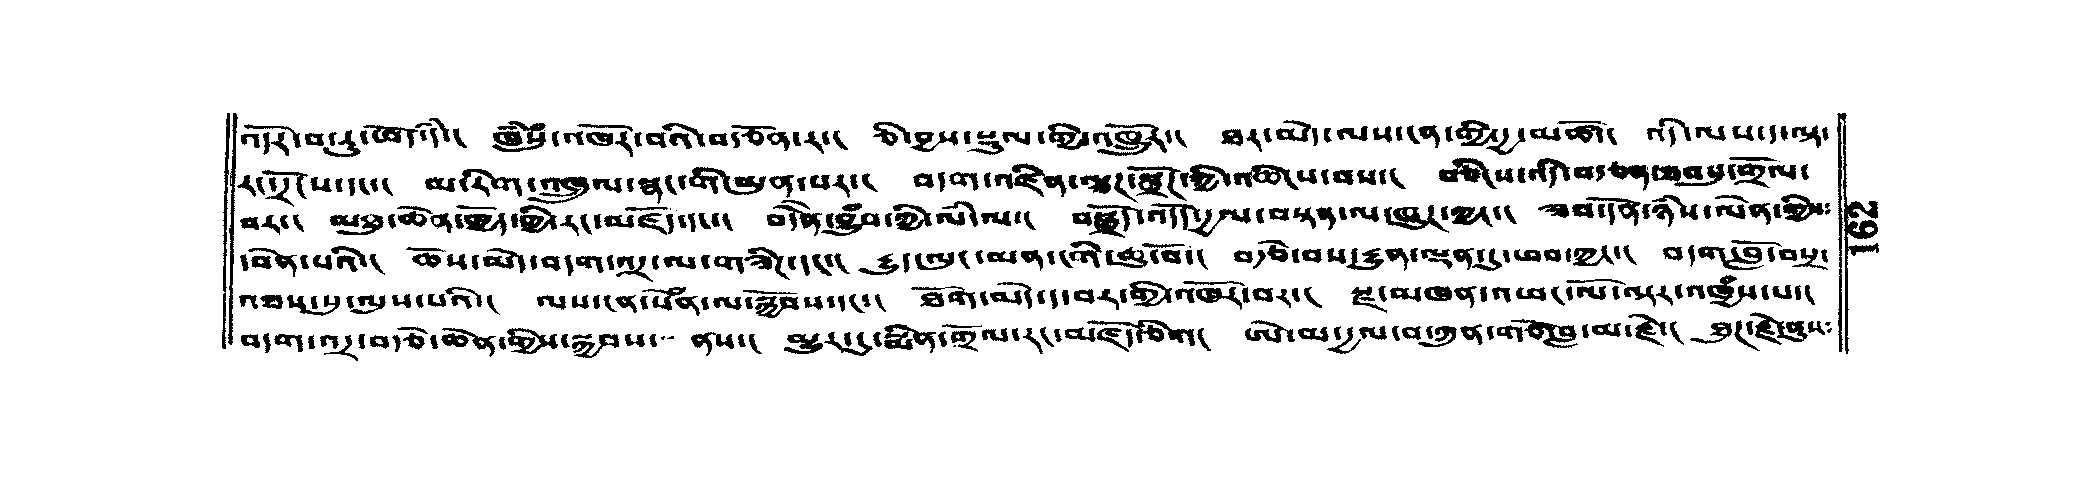འདོར་བ་རུ་ཕོད་དམ། །ཁམས་གསུམ་འཁོར་བའི་བརྩོན་ར། །ཅི་བྱས་སྡུག་བསྔལ་གྱི་འཁྲུལ་འཁོར། །ཐར་མེད་ལས་ངན་གྱི་རྒྱ་མཚོ། །འདི་ལས་ད་ལྟ་
རང་དྲོངས་དང་། །མ་རིག་འཁྲུལ་སྣང་གི་མུན་པར། །བདག་འཛིན་ལྕགས་སྒྲོག་གི་འཆིང་བས། །བཅིངས་འདི་བརྩན་ཐབས་སུ་གྲོལ་
བར། །མཐུ་ཆེན་ཁྱོད་ཀྱིས་རང་མཛོད་དང་། །བདེ་ཆེན་བྱང་ཆུབ་ཀྱི་ལམ་ལ། །བསྒྲོད་འདོད་རྒྱལ་བསྟན་ལ་ཞུགས་ཀྱང་། །ཟབ་དོན་ཉམས་ལེན་གྱིས་
དབེན་པའི། །ཆོས་མེད་བདག་འདྲ་ལ་གཟིགས་དང་། །རྒྱུད་ལུང་མན་ངག་གི་ཆུ་བོ། །བརྩེ་བས་རྒྱུན་ལྡན་དུ་ཕབ་ཀྱང་། །བདག་བློ་བསྲ་
འཐས་སུ་ལུས་པའི། །ལས་ངན་སེམས་ཅན་ལ་སྐྱོབས་དང་། །ཐོག་མེད་ད་བར་གྱི་འཁོར་བར། །རྫ་མཁན་འཕང་ལོ་ལྟར་འཁྱམས་པ། །
བདག་འདྲ་བརྩེ་ཆེན་གྱིས་སྐྱབས་ནས། །མྱུར་དུ་སྨིན་གྲོལ་རང་མཛོད་ཅིག།ཨེ་མ་རྒྱལ་བ་ཀུན་གཙོ་བླ་མ་རྗེ། །ཐུགས་རྗེ་ནུས་